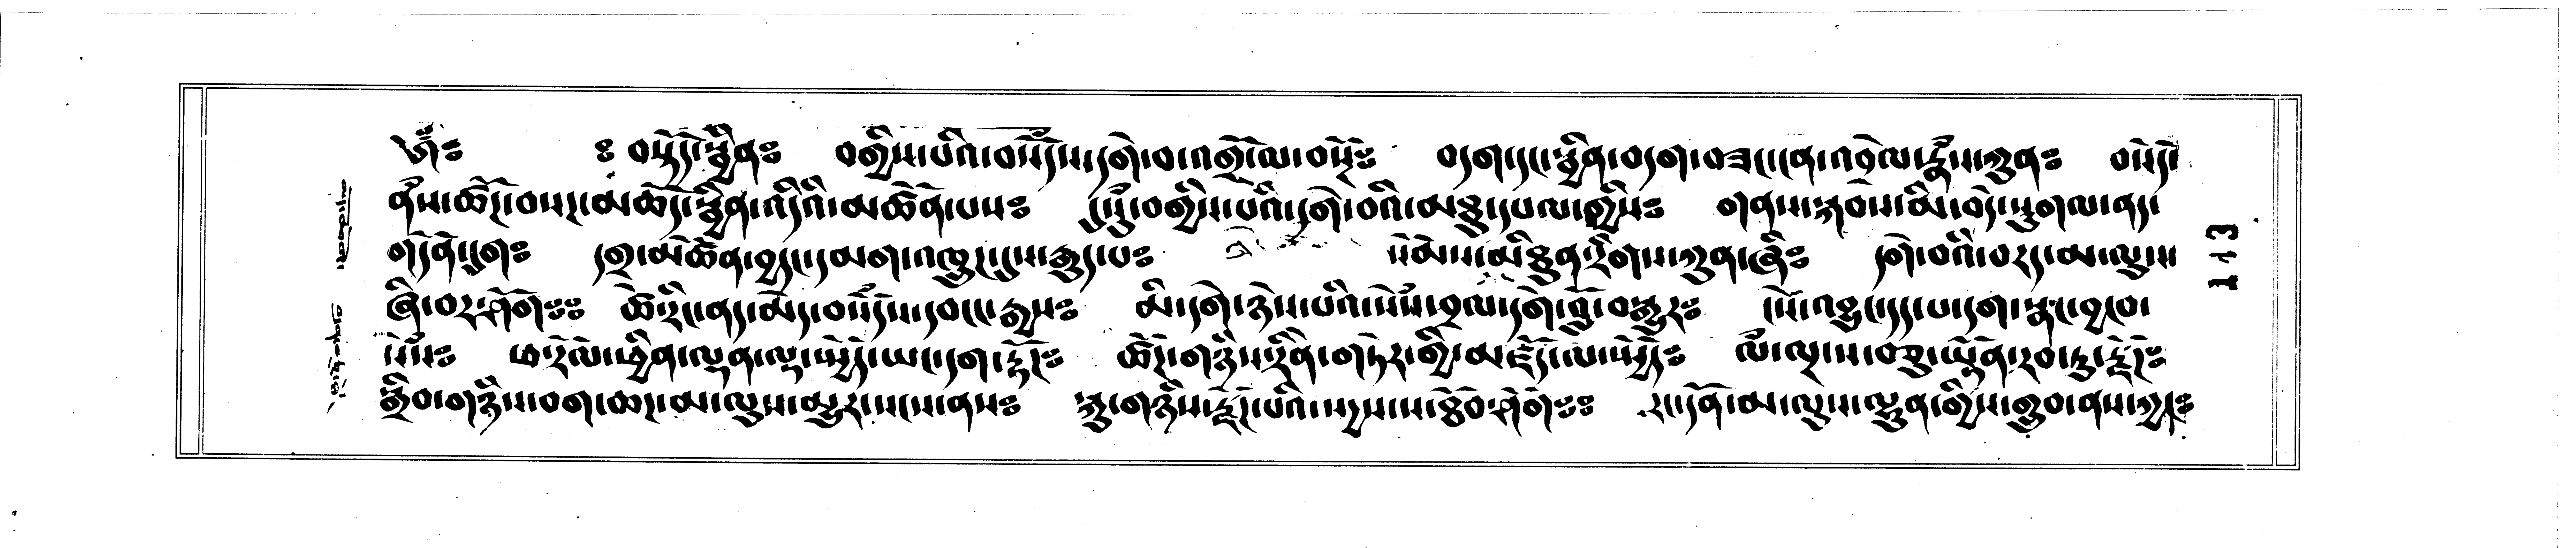བསྟོད་སྦྱིནཿ བགྱིས་པའི་བསོད་ནམས་དགེ་བ་འགྲོ་ལ་བསྔོཿ བདག་དང་སྦྱིན་བདག་བཟང་ངན་འབྲེལ་རྣམས་ཀུནཿ བསོད་
ནམས་ཚོགས་བསགས་མཆོད་སྦྱིན་འདིས་མཚོན་པའིཿ དུས་གསུམ་བགྱིས་པའི་དགེ་བའ་མཐུ་དཔལ་གྱིསཿ གནས་སྐབས་མི་བདེ་སྡུག་བསྔལ་ནད་
གདོན་དུགཿ དགྲ་མཚོན་བྱད་དང་དམག་འཁྲུག་དུས་རྒུད་པཿ ༼༽སོམས་མི་མཐུན་རིགས་ཀུན་ཞིཿ དགེ་བའི་བར་ཆད་མ་ལུས་
ཞི་བར་ཤོགཿ ཚེ་རིང་ནད་མེད་བསོད་ནམས་དབང་ཐང་རྒྱསཿ མི་དགེ་ཉེས་པའི་སེམས་བྲལ་དགེ་བློ་བསྒྱུརཿ ངེས་འབྱུང་དད་པ་དག་སྣང་བྱང་ཆུབ་
སེམསཿ ཕ་རོལ་ཕྱིན་ལྡན་ལྟ་སྤྱོད་ཡང་དག་རྟོགསཿ ཚོགས་གཉིས་རིན་ཆེན་གཏེར་གྱི་མཛོད་ལ་སྤྱོདཿ ལམ་ལྔ་ས་བཅུ་ཡོན་ཏན་རབ་ཏུ་རྫོགསཿ
 སྒྲིབ་གཉིས་བག་ཆགས་མ་ལུས་མྱུར་སངས་ནསཿ སྐུ་གཉིས་རྫོགས་པའི་སངས་རྒྱས་ས་ཐོབ་ཤོགཿ རང་དོན་མ་ལུས་མྱུར་དུ་གྲུབ་ནས་ཀྱངཿ